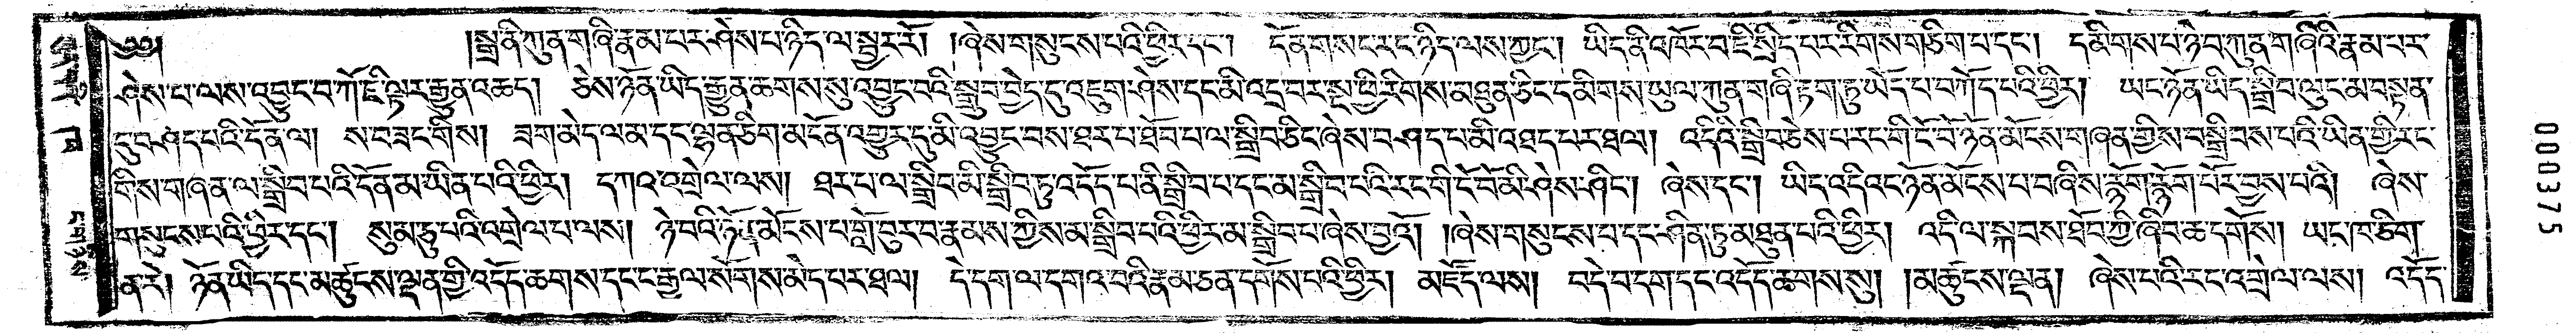༄༅། །སྒྲ་ནི་ཀུན་གཞི་རྣམ་པར་ཤེས་པ་ཉིད་ལ་སྦྱར་རོ། །ཞེས་གསུངས་པའི་ཕྱིར་དང་། དོན་གསང་རང་ཉིད་ལས་ཀྱང་། ཡིད་ནི་འཁོར་བ་ཇི་སྲིད་པར་རིགས་གཅིག་པ་དང་། དམིགས་པ་ཉེ་བ་ཀུན་གཞིའི་རྣམ་པར་
ཤེས་པ་ལས་འབྱུང་བ་ཀོ་ཇི་ལྟར་རྒྱུན་འཆད། ཅེས་ཉོན་ཡིད་རྒྱུན་ཆགས་སུ་འབྱུང་བའི་སྒྲུབ་བྱེད་དུ་འཇུག་ཤེས་དང་མི་འདྲ་བར་སྔ་ཕྱི་རིགས་མཐུན་ཅིང་དམིགས་ཡུལ་ཀུན་གཞི་རྟག་ཏུ་ཡོད་པ་བཀོད་པའི་ཕྱིར། ཡང་ཉོན་ཡིད་སྒྲིབ་ལུང་མ་བསྟན་
དུ་བཤད་པའི་དོན་ལ། ས་བཟང་གིས། ཟག་མེད་ལམ་དང་ལྷན་ཅིག་མངོན་འགྱུར་དུ་མི་འབྱུང་བས་ཐར་པ་ཐོབ་པ་ལ་སྒྲིབ་ཅིང་ཞེས་བཤད་པ་མི་འཐད་པར་ཐལ། འདིའི་སྒྲིབ་ཅེས་པ་རང་གི་ངོ་བོ་ཉོན་མོངས་གཞན་གྱིས་བསྒྲིབས་པའི་ཡིན་གྱི་རང་
གིས་གཞན་ལ་སྒྲིབ་པའི་དོན་མ་ཡིན་པའི་ཕྱིར། དཀའ་འགྲེལ་ལས། ཐར་པ་ལ་སྒྲིབ་མི་སྒྲིབ་ཏུ་འདོད་པ་ནི་སྒྲིབ་པ་དང་མ་སྒྲིབ་པའི་རང་གི་ངོ་བོ་མི་ཤེས་ཤིང་། ཞེས་དང་། ཡིད་འདིའང་ཉོན་མོངས་པ་བཞིས་རྙོག་པོར་བྱས་པའི། ཞེས་
གསུངས་པའི་ཕྱིར་དང་། སུམ་ཅུ་པའི་འགྲེལ་པ་ལས། ཉེ་བའི་ཉོན་མོངས་པ་གློ་བུར་བ་རྣམས་ཀྱིས་མ་སྒྲིབ་པའི་ཕྱིར་མ་སྒྲིབ་པ་ཞེས་བྱའོ། །ཞེས་གསུངས་པ་དང་ཤིན་ཏུ་མཐུན་པའི་ཕྱིར། འདི་ལ་སྐབས་ཐོབ་ཀྱི་ཞིབ་ཆ་དགོས། ཡང་ཁ་ཅིག་
ན་རེ། ཉོན་ཡིད་དང་མཚུངས་ལྡན་གྱི་འདོད་ཆགས་དང་ང་རྒྱལ་སོགས་མེད་པར་ཐལ། དེ་དག་ལ་དགའ་བའི་རྣམ་ཅན་དགོས་པའི་ཕྱིར། མཛོད་ལས། བདེ་བ་དག་དང་འདོད་ཆགས་སུ། །མཚུངས་ལྡན། ཞེས་པའི་རང་འགྲེལ་ལས། འདོད་